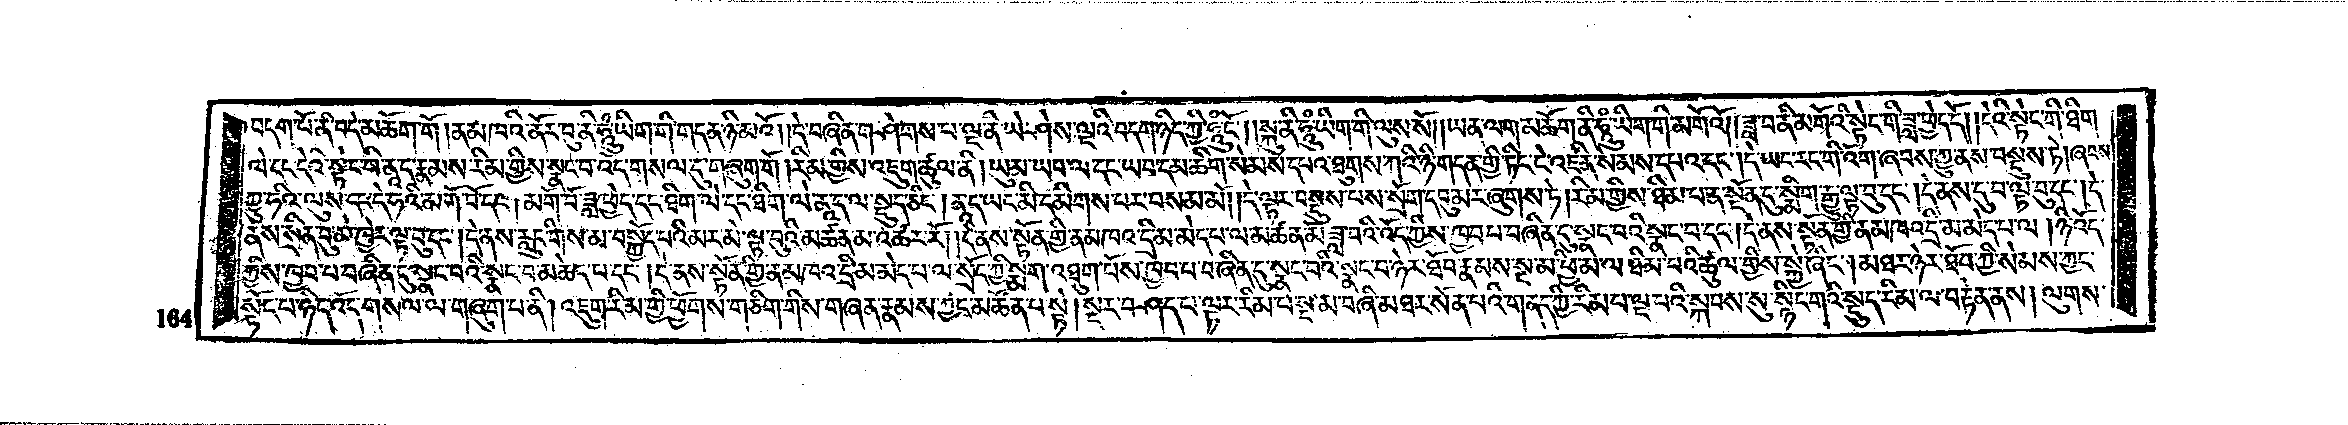བདག་པོ་ནི་བདེ་མཆོག་གོ །ནམ་མཁའི་ནོར་བུ་ནི་ཧཱུཾ་ཡིག་གི་གདན་ཉི་མའོ། །དེ་བཞིན་གཤེགས་པ་ལྔ་ནི་ཡེ་ཤེས་ལྔའི་བདག་ཉིད་ཀྱི་ཧཱུཾ་ངོ། །སྐུ་ནི་ཧཱུཾ་ཡིག་གི་ལུས་སོ། །ཡན་ལག་མཆོག་ནི་ཧཱུཾ་ཡིག་གི་མགོའོ། །ཟླ་བ་ནི་མགོའི་སྟེང་གི་ཟླ་ཕྱེད་དོ། །དེའི་སྟེང་གི་ཐིག་
ལེ་དང་དེའི་སྟེང་གི་ནཱ་ད་རྣམས་རིམ་གྱིས་སྣང་བ་འོད་གསལ་དུ་གཞུག་གོ །རིམ་གྱིས་འཇུག་ཚུལ་ནི། ཡུམ་ཡབ་ལ་དང་ཡབ་དམ་ཚིག་སེམས་དཔའ་ཐུགས་ཀའི་ཉི་གདན་གྱི་ཏིང་ངེ་འཛིན་སེམས་དཔའ་དང་། དེ་ཡང་རང་གི་འོག་ཞབས་ཀྱུ་ནས་བསྡུས་ཏེ། ཞབས་
ཀྱུ་ཧའི་ལུས་དང་དེ་ཧའི་མགོ་བོ་དང་། མགོ་བོ་ཟླ་ཕྱེད་དང་ཐིག་ལེ་དང་ཐིག་ལེ་ནཱ་ད་ལ་སྡུད་ཅིང་། ནཱ་ད་ཡང་མི་དམིགས་པར་བསམ་མོ། །དེ་ལྟར་བསྡུས་པས་སྲོག་དབུ་མར་ཞུགས་ཏེ། རིམ་གྱིས་ཐིམ་པ་ན་སྔོན་དུ་སྨིག་རྒྱུ་ལྟ་བུ་དང་། དེ་ནས་དུ་བ་ལྟ་བུ་དང་། དེ་
ནས་སྲིན་བུ་མེ་ཁྱེར་ལྟ་བུ་དང་། དེ་ནས་རླུང་གིས་མ་བསྐྱོད་པའི་མར་མེ་ལྟ་བུའི་མཚན་མ་འཆར་རོ། །དེ་ནས་སྟོན་གྱི་ནམ་མཁའ་དྲི་མ་མེད་པ་ལ་མཚན་མོ་ཟླ་བའི་འོད་ཀྱིས་ཁྱབ་པ་བཞིན་དུ་སྣང་བའི་སྣང་བ་དང་། དེ་ནས་སྟོན་གྱི་ནམ་མཁའ་དྲི་མ་མེད་པ་ལ། ཉི་འོད་
ཀྱིས་ཁྱབ་པ་བཞིན་དུ་སྣང་བའི་སྣང་བ་མཆེད་པ་དང་། དེ་ནས་སྟོན་གྱི་ནམ་མཁའ་དྲི་མ་མེད་པ་ལ་སྲོད་ཀྱི་སྨག་འཐུག་པོས་ཁྱབ་པ་བཞིན་དུ་སྣང་བའི་སྣང་བ་ཉེར་ཐོབ་རྣམས་སྔ་མ་ཕྱི་མ་ལ་ཐིམ་པའི་ཚུལ་གྱིས་སྐྱེ་ཞིང་། མཐར་ཉེར་ཐོབ་ཀྱི་སེམས་ཀྱང་
སྟོང་པ་ཉིད་འོད་གསལ་ལ་གཞུག་པ་ནི། འཇུག་རིམ་གྱི་ཕྱོགས་གཅིག་གིས་གཞན་རྣམས་ཀྱང་མཚོན་པ་སྟེ། སྔར་བཤད་པ་ལྟར་རིམ་པ་སྔ་མ་བཞི་མཐར་སོན་པའི་གནད་ཀྱི་རིམ་པ་ལྔ་པའི་སྐབས་སུ་སྙིང་གའི་སྡུད་རིམ་ལ་བརྟེན་ནས། ལུགས་